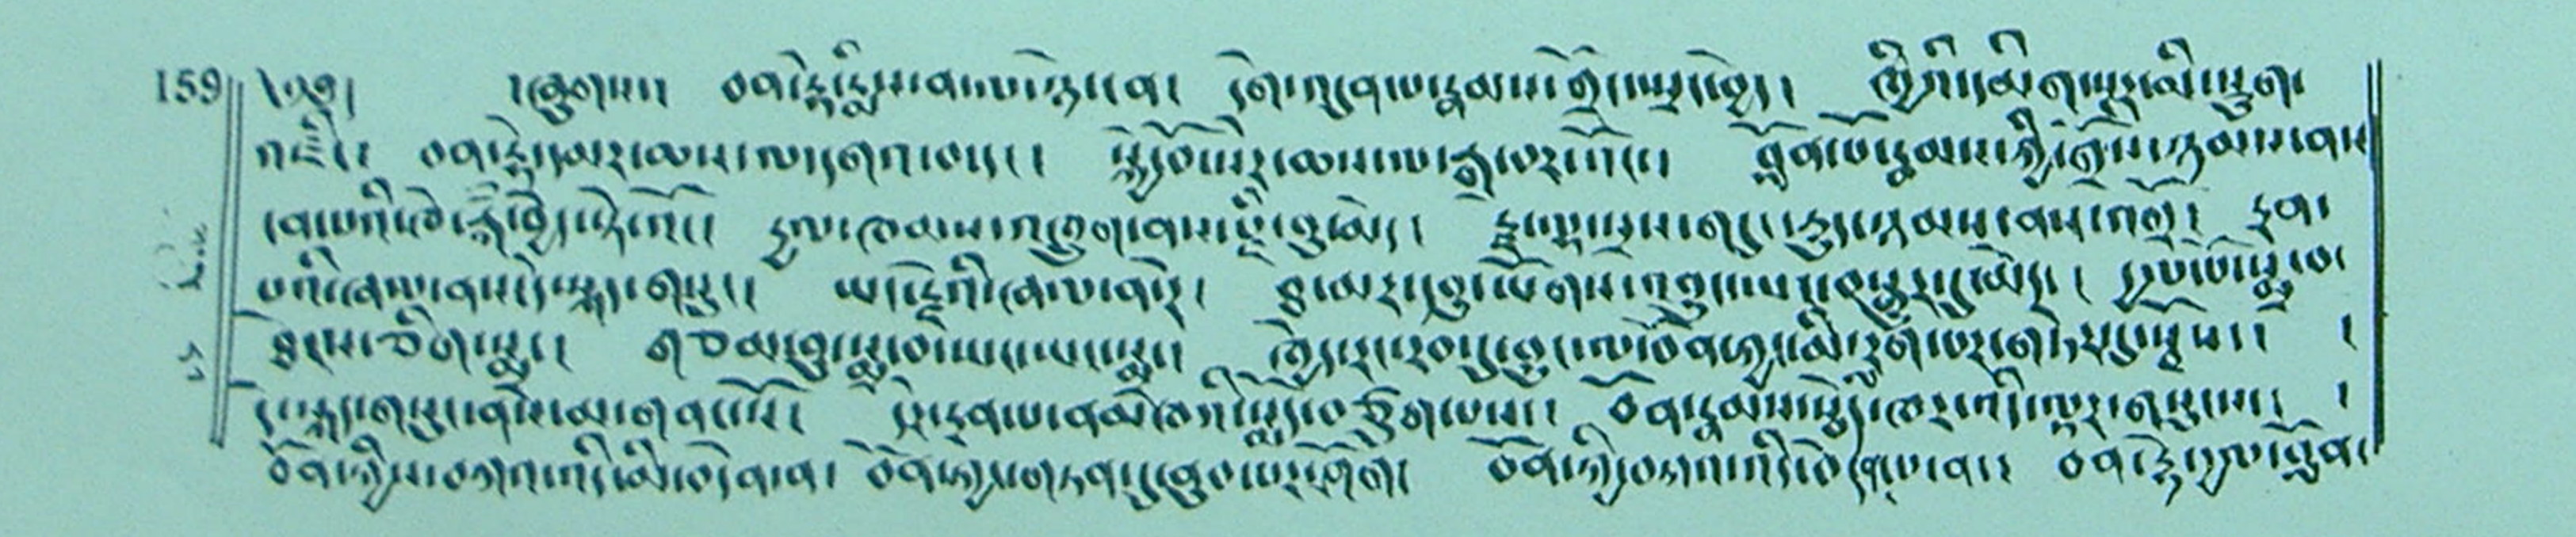༄༅། །ཞུགས། བན་དྷེ་རྨིས་ན་ལ་ཉེ་ངན། དགེ་འདུན་རྣམ་པ་གྲོང་སྤྲང་བྱེད། ཁྱིའི་མིག་སྔར་མི་སྡུག་
འཛིངས། བན་དྷེ་དམར་ཆས་དག་ལ་དགའ་བ་དང་། སྐྱེ་བོ་སེར་ཆས་ལ་རྒ་བར་འོང་། བློན་པོ་རྣམས་ཀྱིས་གྲོས་ཉམས་ནས། 
ངན་པའི་ཁེ་རྐམ་བྱེད་དེ་འོང་། རྒྱལ་ཁམས་འཁྲུགས་ནས་རྫི་བུ་མེད། རྗེ་ལྷ་སྲས་གདུང་རྒྱུད་ཉམས་ནས་འགྲོ། དྲན་
པའི་ཞལ་ནས་དེ་སྐད་གསུངས། ཡང་རྗེའི་ཞལ་ན་རེ། ཐ་མར་དབུ་ཡོགས་འབྱུང་ཡང་བསྒྱུར་དུ་མེད། རྒྱལ་བོ་སྨྲ་བ་
ཐང་གཅིག་སྨྲ། གཅམ་བུ་སྨྲ་བ་ཡང་ཡང་སྨྲ། ཁྱེད་རང་རབ་ཏུ་བྱུང་ལ་བོན་ཀྱང་མི་རླག་པར་གཏེར་དུ་སྦོས། 
དེ་སྐད་གསུང་ནས་མ་གནོང་ངོ། དེར་དྲན་པ་ནམ་མཁའི་སྨོད་བཙུག་པས། བོན་རྣམས་སྦེད་ཁར་འདི་ལྟར་གསུངས། 
བོན་གྱི་བཀའ་འདི་མི་བདེན་ན། བོན་ཀྱང་གཏན་ཏུ་ནུབ་པར་ཤོག བོན་གྱི་བཀའ་འདི་བདེན་པ་ན། བན་དྷེ་རྒྱལ་བློན་